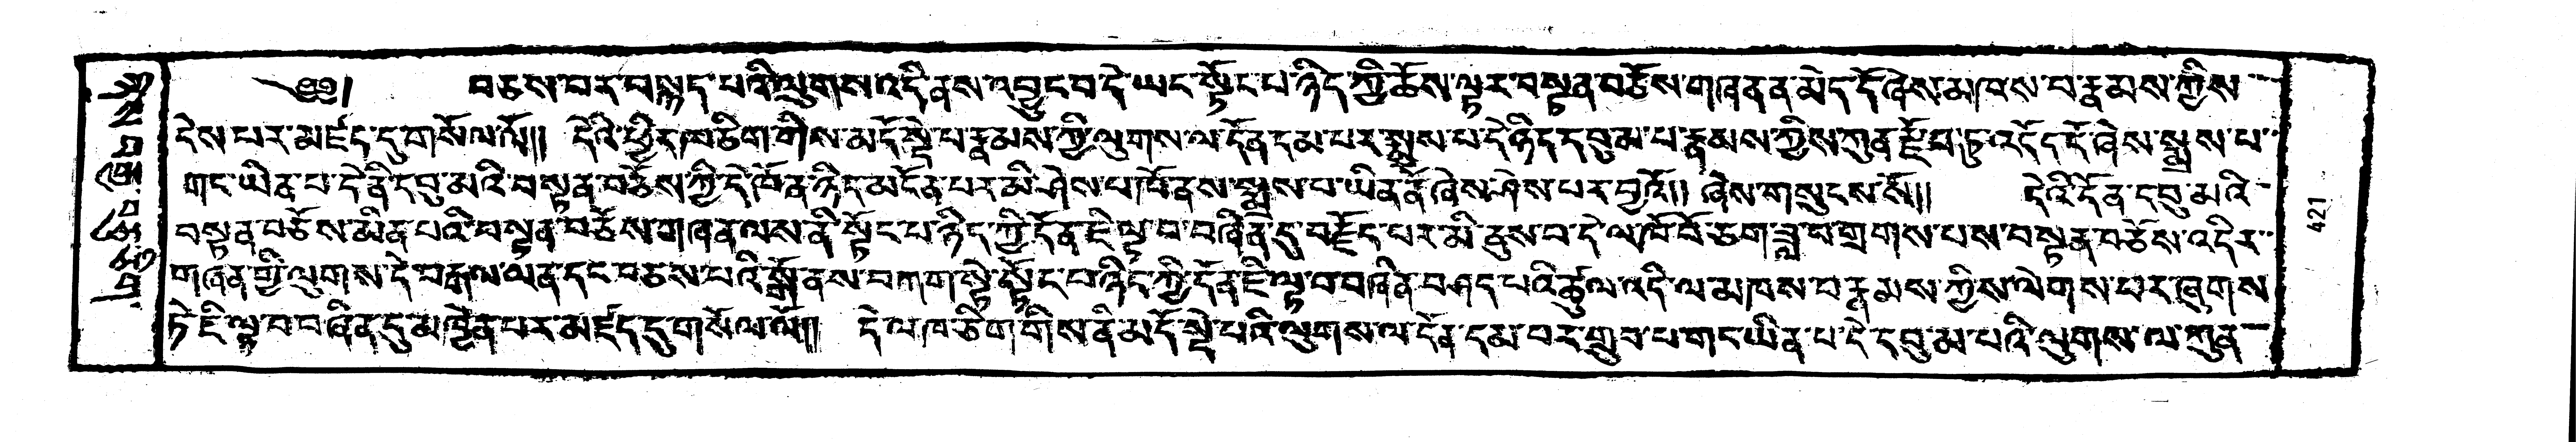༄༅། །བཅས་པར་བསྙད་པའི་ལུགས་འདི་ནས་འབྱུང་བ་དེ་ཡང་སྟོང་པ་ཉིད་ཀྱི་ཆོས་ལྟར་བསྟན་བཅོས་གཞན་ན་མེད་དོ་ཞེས་མཁས་པ་རྣམས་ཀྱིས་
ངེས་པར་མཛད་དུ་གསོལ་ལོ། །དེའི་ཕྱིར་ཁ་ཅིག་གིས་མདོ་སྡེ་པ་རྣམས་ཀྱི་ལུགས་ལ་དོན་དམ་པར་སྨྲས་པ་དེ་ཉིད་དབུ་མ་པ་རྣམས་ཀྱིས་ཀུན་རྫོབ་ཏུ་འདོད་དོ་ཞེས་སྨྲས་པ་
གང་ཡིན་པ་དེ་ནི་དབུ་མའི་བསྟན་བཅོས་ཀྱི་དེ་ཁོ་ན་ཉིད་མངོན་པར་མི་ཤེས་པ་ཁོ་ནས་སྨྲས་པ་ཡིན་ནོ་ཞེས་ཤེས་པར་བྱའོ། །ཞེས་གསུངས་སོ། །དེའི་དོན་དབུ་མའི་
བསྟན་བཅོས་མིན་པའི་བསྟན་བཅོས་གཞན་ལས་ནི་སྟོང་པ་ཉིད་ཀྱི་དོན་ཇི་ལྟ་བ་བཞིན་དུ་བརྗོད་པར་མི་ནུས་པ་དེ་ལ་ཁོ་བོ་ཅག་ཟླ་བ་གྲགས་པས་བསྟན་བཅོས་འདིར་
གཞན་གྱི་ལུགས་དེ་བརྒལ་ལན་དང་བཅས་པའི་སྒོ་ནས་བཀག་སྟེ་སྟོང་པ་ཉིད་ཀྱི་དོན་ཇི་ལྟ་བ་བཞིན་བཤད་པའི་ཚུལ་འདི་ལ་མཁས་པ་རྣམས་ཀྱིས་ལེགས་པར་ཞུགས་
ཏེ་ཇི་ལྟ་བ་བཞིན་དུ་མཁྱེན་པར་མཛད་དུ་གསོལ་ལོ། །དེ་ལ་ཁ་ཅིག་གིས་ནི་མདོ་སྡེ་པའི་ལུགས་ལ་དོན་དམ་པར་གྲུབ་པ་གང་ཡིན་པ་དེ་དབུ་མ་པའི་ལུགས་ལ་ཀུན་